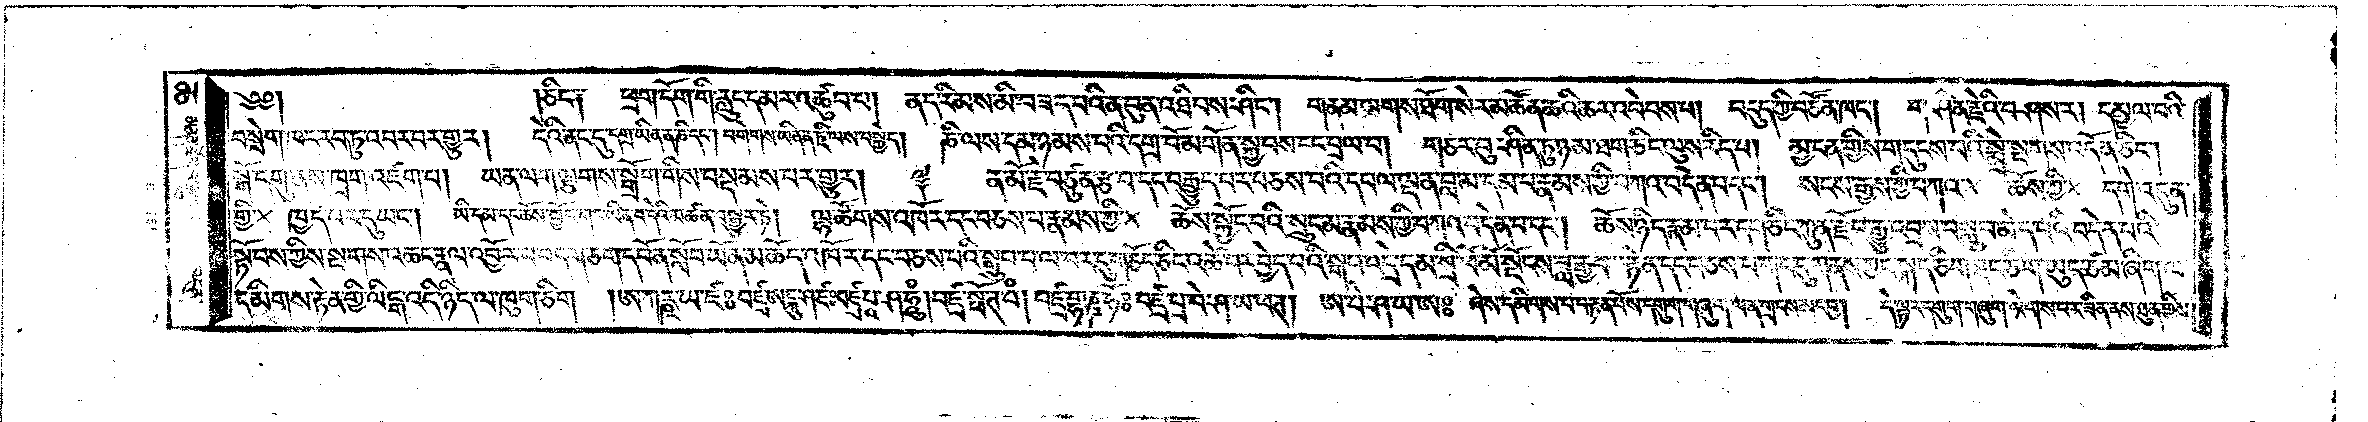༄༅། །ཅིང༑ ཕྲག་དོག་གི་རླུང་དམར་འཚུབ་པ། ནད་རིམས་མི་བཟད་པའི་ན་བུན་འཐིབས་ཤིང་། གནམ་ལྕགས་ཐོག་སེར་མཚོན་ཆའི་ཆར་འབེབས་པ། བདུད་ཀྱི་བརྩོན་ཁང་། གཤིན་རྗེའི་བཤས་ར། དམྱལ་བའི་
བསྲེག་ཁང་རབ་ཏུ་འབར་བར་གྱུར། དེའི་ནང་དུ་དགྲ་ཡིན་ན་ཎི་དང་། བགེགས་ཡིན་ན་ཏྲི་ལས་བསྐྱེད། ཎི་ལས་དམ་ཉམས་པའི་དགྲ་བོ་མགོན་སྐྱབས་དང་བྲེལ་བ། གཅར་བུ་ཤིན་ཏུ་ཉམ་ཐག་ཅིང་ལུས་རིད་པ། མྱ་ངན་གྱིས་གདུངས་པའི་སྨྲེ་སྔགས་འདོན་ཅིང་།
སྒོ་དགུ་ནས་ཁྲག་འཛག་པ། ཡན་ལག་ལྕགས་སྒྲོག་གིས་བསྡམས་པར་གྱུར། ༈ ན་མོ་རྗེ་བཙུན་རྩ་བ་དང་བརྒྱུད་པར་བཅས་པའི་དཔལ་ལྡན་བླ་མ་དམ་པ་རྣམས་ཀྱི་བཀའ་བདེན་པ་དང་། སངས་རྒྱས་ཀྱི་བཀའ་྾་ཆོས་ཀྱི་྾་དགེ་འདུན་
གྱི་྾་ཁྱད་པར་དུ་ཡང་། ཡི་དམ་དང་ཆོས་སྐྱོང་གང་ཡིན་བདེའི་མཚན་བསྒྱུར་ཏེ། ལྷ་ཚོགས་འཁོར་དང་བཅས་པ་རྣམས་ཀྱི་྾་ཆོས་སྐྱོང་བའི་སྲུང་མ་རྣམས་ཀྱི་བཀའ་བདེན་པ་དང་། ཆོས་ཉིད་རྣམ་པར་དག་ཅིང་ཀུན་རྫོབ་རྒྱུ་འབྲས་བསླུ་བ་མེད་པའི་བདེན་པའི་
སྟོབས་ཀྱིས་སྔགས་འཆང་རྣལ་འབྱོར་པ་བདག་ཅག་དཔོན་སློབ་ཡོན་མཆོད་འཁོར་དང་བཅས་པའི་སྒྲུབ་པ་ལ་བར་དུ་གཅོད་ཅིང་འཚེ་བར་བྱེད་པའི་སྒབ་འདྲེན་དམ་སྲི་ཕོ་མོ་སྡོངས་ཟླ་རྒྱབ་རྟེན་དང་བཅས་པ་གང་དུ་གནས་ཀྱང་སྐད་ཅིག་ཐང་ཅིག་ཡུད་ཙམ་ཞིག་ལ་
དམིགས་རྟེན་གྱི་ལིངྒ་འདི་ཉིད་ལ་ཁུག་ཅིག །ཨ་ཀརྵ་ཡ་ཛཿ བཛྲ་ཨངྐུ་ཤ་ཛཿབཛྲ་པཱ་ཤ་ཧཱུཾ། བཛྲ་སྥོ་ཊ་བཾ། བཛྲ་གྷཎྜ་ཧོཿ བཛྲ་པྲ་བེ་ཤ་ཡ་ཕཌ། ཨ་བེ་ཤ་ཡ་ཨཿ ཞེས་དམིགས་བ་བརྟན་པོས་དགུག་གཞུག་ཡན་གྲངས་མང་བྱ། དེ་ལྟར་དགུག་གཞུག་ལེགས་པར་ཟིན་ནས་ཐུན་གྱིས་